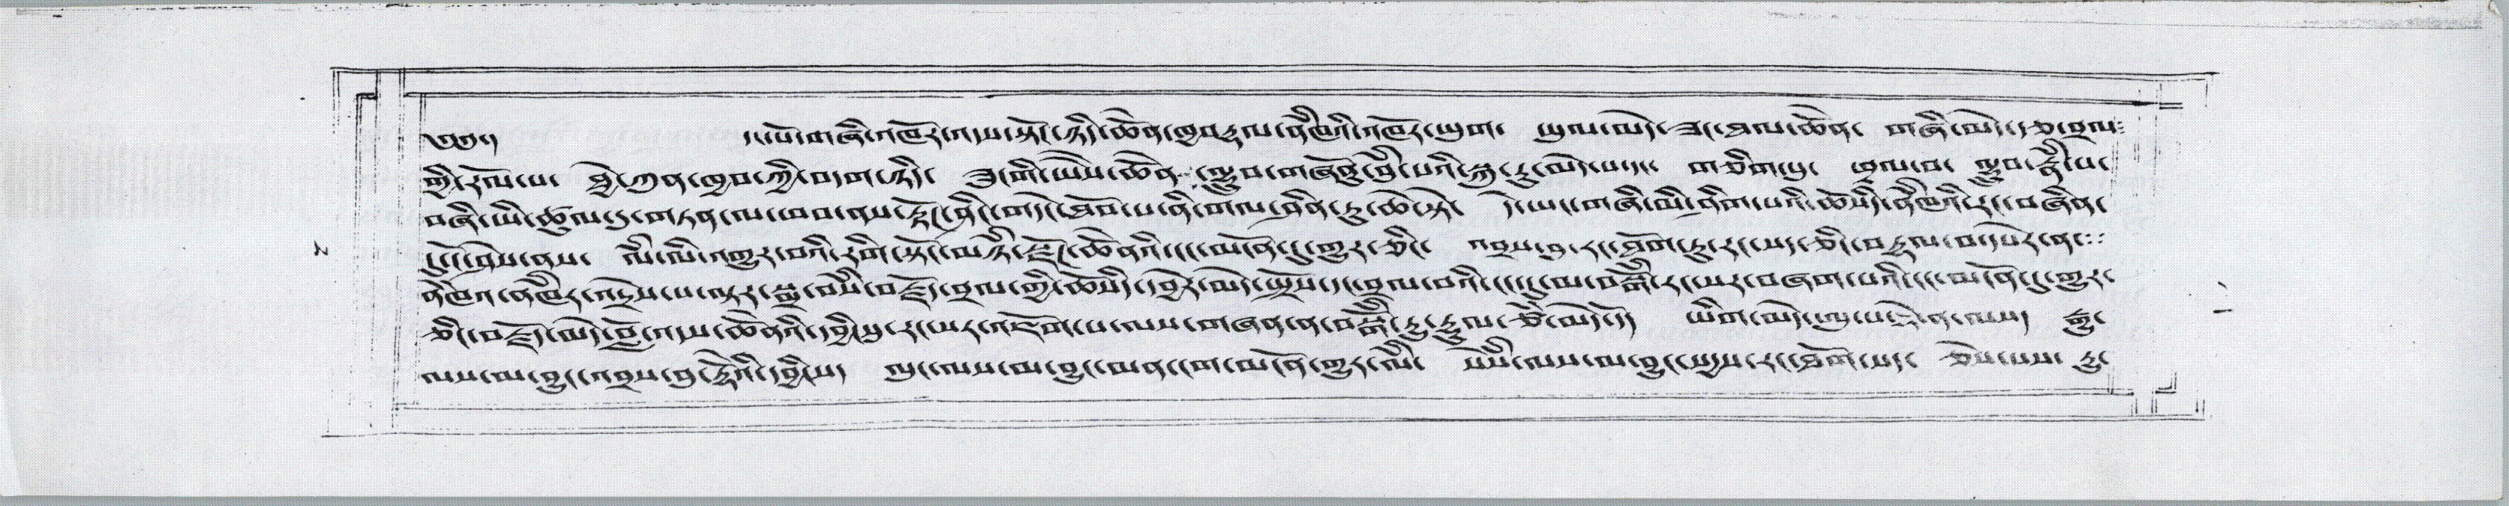དངོས་གཞི་འཁོར་འདས་སྟོང་ཉིད་ཆེན་པོ་ཁྱབ་བདལ་ནམ་མཁའི་ཁོར་ཡུག་ཡུལ་མེད་ཟང་ཐལ་ཆེན་པོ་གཞི་མེད་རྩ་བྲལ་
གྱི་རོལ་པ། ཐུགས་རྗེ་ཀུན་ཁྱབ་ཀྱི་བདག་ཉིད་ཟུང་འཇུག་གི་ཡེ་ཤེས་ཆེན་པོ། ལྷུན་གྲུབ་གཞོན་ནུ་བུམ་པའི་སྐུ་རུ་མེད་པ་དང་། གཅིག་པུ། ཕྱལ་བ། ལྷུན་གྲུབ། རྣམ་པ་
བཞི་ཡི་ཚུལ་དུ་གཏན་ལ་ཕབ་ནས། རྟོགས་ཤིང་གདེང་ཐོབ་པ་ནི་ཤིན་ཏུ་གལ་ཆེ་སྟེ། དེ་ཡང་གཞི་མི་ཤིག་པའི་ཆོས་ཉིད་ནམ་མཁའི་རང་བཞིན་
དུ་ངོ་ཤེས་ནས། ལམ་མི་འགྱུར་བའི་རིག་སྟོང་མཉམ་རྫོགས་ཆེན་པོའི་ངང་མངོན་དུ་གྱུར་ཅིང་། འབྲས་བུ་རང་ཐོག་ཏུ་རང་སད་ཅིང་བརྡལ་པ་དཔེར་ན། 
ནམ་མཁའ་ནམ་མཁར་འདྲེས་པ་ལྟར་སྨྲ་བསམ་བརྗོད་བྲལ་གྱི་ཆོས་ཉིད་དབྱེར་མེད་སྤྲོས་དང་བྲལ་བའི་ངང་དུ་མ་བསྒོམ་རང་སར་བཞག་པའི་རང་མངོན་དུ་གྱུར་
ཅིང་། བརྗོད་མེད་བློ་འདས་ཆེན་པོའི་དབྱིངས་སུ་རང་སར་འཇོག་པ་ལས་གཞན་ན་བསྒོམ་རྒྱུ་རྡུལ་ཙམ་མེད་དོ། ཡིག་མེད་ཨུ་པ་དྷེ་ན་ལས། རྒྱུ་
ལས་མ་བྱུང་འབྲས་བུ་རྡོ་རྗེའི་དབྱིངས། །ལུང་ལས་མ་བྱུང་མན་ངག་མངོན་གྱུར་ལམ། སེམས་ལས་མ་བྱུང་སངས་རྒྱས་རང་ཐོག་སད། ཅེས་པས། རྒྱུ་